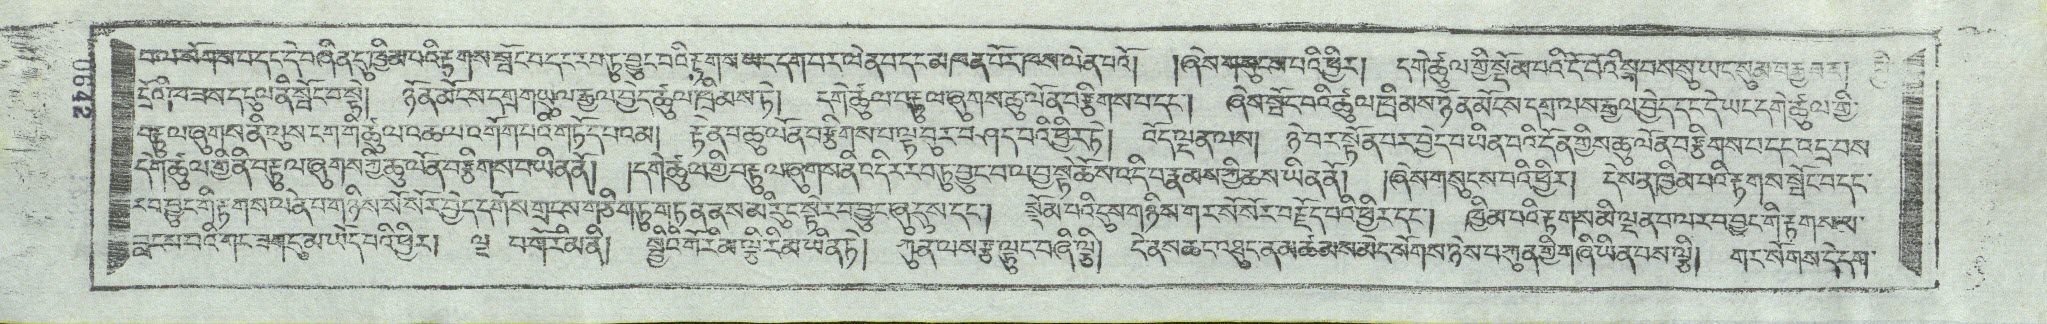པ་ལ་སོགས་པ་དང་དེ་བཞིན་དུ་ཁྱིམ་པའི་རྟགས་སྤོང་བ་དང་རབ་ཏུ་བྱུང་བའི་རྟགས་ཡང་དག་པར་ལེན་པ་དང་མཁན་པོར་ཁས་ལེན་པའོ། །ཞེས་གསུངས་པའི་ཕྱིར། དགེ་ཚུལ་གྱི་སྡོམ་པའི་ངོ་བོའི་སྐབས་སུ་ཡང་སུམ་བརྒྱ་བར། ཕྱི་
དྲོའི་ཁ་ཟས་དངུལ་ནི་སྤོང་བ་སྟེ། ཉོན་མོངས་དགྲ་གཡུལ་རྒྱལ་བྱེད་ཚུལ་ཁྲིམས་ཏེ། དགེ་ཚུལ་བརྟུལ་ཞུགས་ཆུ་ལོན་བརྩིགས་པ་དང་། ཞེས་སྤོང་བའི་ཚུལ་ཁྲིམས་ཉོན་མོངས་དགྲ་ལས་རྒྱལ་བྱེད་དང་དེ་ཡང་དགེ་ཚུལ་གྱི་
བརྟུལ་ཞུགས་ནི་ལུས་ངག་གི་ཚུལ་འཆལ་འགོག་པའི་གཏོད་པའམ། རྟེན་པ་ཆུ་ལོན་བརྩིགས་པ་ལྟ་བུར་བཤད་པའི་ཕྱིར་ཏེ། འོད་ལྡན་ལས། ཉེ་བར་སྟོན་པར་བྱེད་པ་ཡིན་པའི་དོན་གྱིས་ཆུ་ལོན་བརྩིགས་པ་དང་འདྲ་བས་
དགེ་ཚུལ་གྱི་ནི་བརྟུལ་ཞུགས་ཀྱི་ཆུ་ལོན་བརྩིགས་པ་ཡིན་ནོ། །དགེ་ཚུལ་གྱི་བརྟུལ་ཞུགས་ནི་འདིར་རབ་ཏུ་བྱུང་བ་ལ་བྱ་སྟེ་ཆོས་འདི་བ་རྣམས་ཀྱི་ཆས་ཡིན་ནོ། །ཞེས་གསུངས་པའི་ཕྱིར། དེས་ན་ཁྱིམ་པའི་རྟགས་སྤོང་བ་དང་
རབ་བྱུང་གི་རྟགས་ལེན་པ་གཉིས་སོ་སོར་བྱེད་དགོས་གྲངས་གཅིག་ཏུ་གཏན་ནས་མི་རུང་སྟེ་རབ་བྱུང་ཞུ་དུས་དང་། སྡོམ་པའི་དུས་གཉིས་གར་སོ་སོར་བརྗོད་པའི་ཕྱིར་དང་། ཁྱིམ་པའི་རྟགས་མི་ལྡན་པ་ལ་རབ་བྱུང་གི་རྟགས་མ་
བླངས་པའི་གང་ཟག་དུ་མ་ཡོད་པའི་ཕྱིར། ལྔ་པ་གོ་རིམ་ནི། སྤྱིའི་གོ་རིམ་ལྕི་རིམ་ཡིན་ཏེ། ཀུན་ལས་རྩ་ལྟུང་བཞི་ལྕི། དེ་ནས་ཆང་འཐུང་ན་མཚམས་མེད་སོགས་ཉེས་པ་ཀུན་གྱི་གཞི་ཡིན་པས་ལྕི། གར་སོགས་དེ་དག་